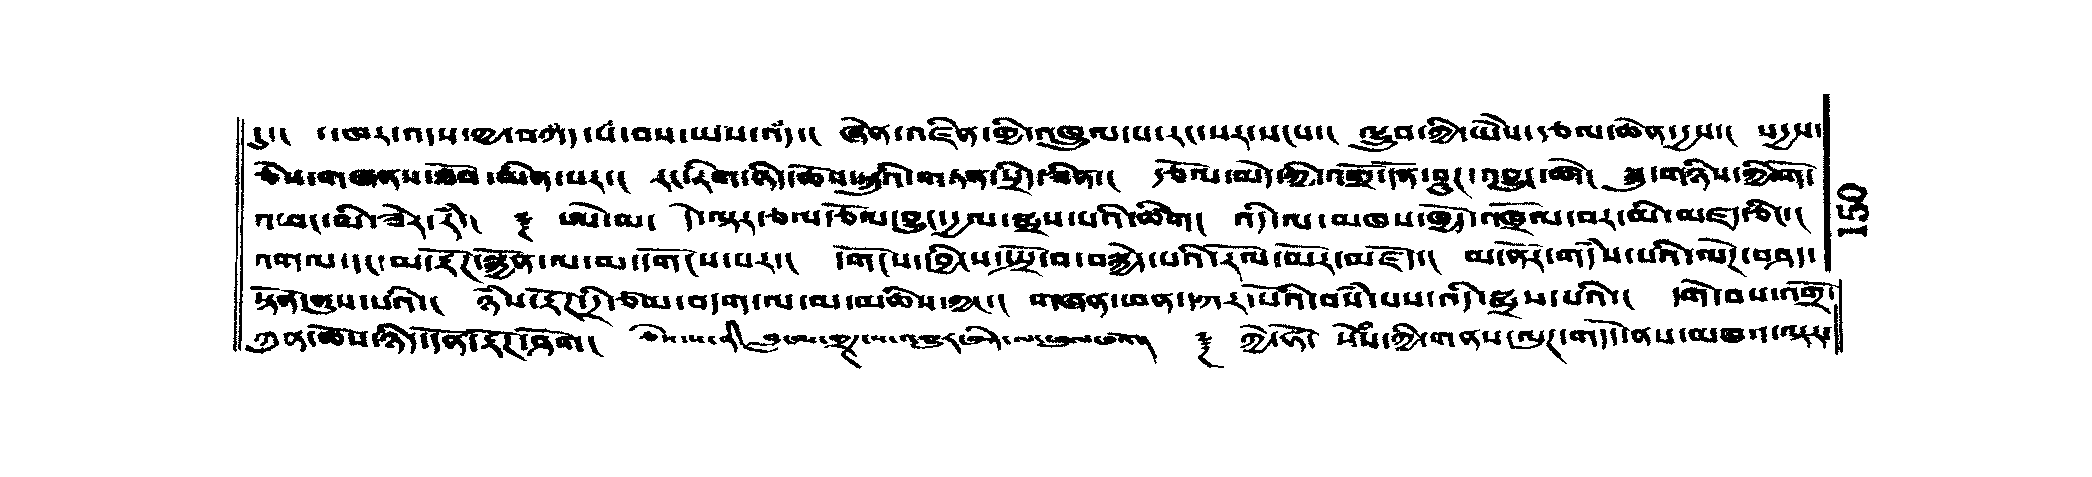དུ། །ཞེན་འཛིན་གྱི་འཁྲུལ་པ་རང་སར་སངས། །ལྷུན་གྲུབ་ཀྱི་ཡེ་ཤེས་རྩལ་ཆེན་རྒྱས། །སངས་རྒྱས་
ཞེས་གཞན་ནས་ཐོབ་མིན་པར། །རང་རིག་ཉིད་ཆོས་སྐུའི་གཏན་སྲིད་ཟིན། །རྩོལ་མེད་ཀྱི་འགྲོ་དོན་ཤུགས་འབྱུང་ཚེ། །སྐུ་གཉིས་ཀྱི་གོ་
འཕང་མི་ཟེར་རམ། ༈ ཨེ་མ། དེ་ལྟར་ཅལ་ཅོལ་བྱུང་རྒྱལ་སྨྲས་པའི་ཚིག།འདི་ལ་མཁས་ཁྱོད་ཁྲེལ་བར་མི་མཛདཅིང་། །
འགལ་དང་མ་རྟོགས་སྐྱོན་ལ་མ་དགོངས་པར། །དགོངས་དབྱིངས་སྤྲོ་བ་བསྐྱེད་པའི་རོལ་མོར་མཛོད། །མ་ནོར་གདམས་པའི་ལེགས་བཤད་
སྟོན་ནུས་པའི། །ཉམས་རྟོགས་དྲི་ཙམ་བདག་ལ་མ་མཆིས་ཀྱང་། །གཞན་ཕན་དཀར་པོའི་བསམ་པས་འདི་སྨྲས་པའི། །དགེ་བས་འགྲོ་
ཀུན་ཆོས་ཉིད་དོན་རྟོགས་ཤོག །ཅེས་པ་ནི་བླ་མ་གྲགས་པ་འགྱུར་མེད་ལ་ཕུལ་བའོ། ༈ ཀྱེ་ཧོ། སེམས་ཀྱི་གནས་ལུགས་གདོད་ནས་མཁའ་ལྟར་